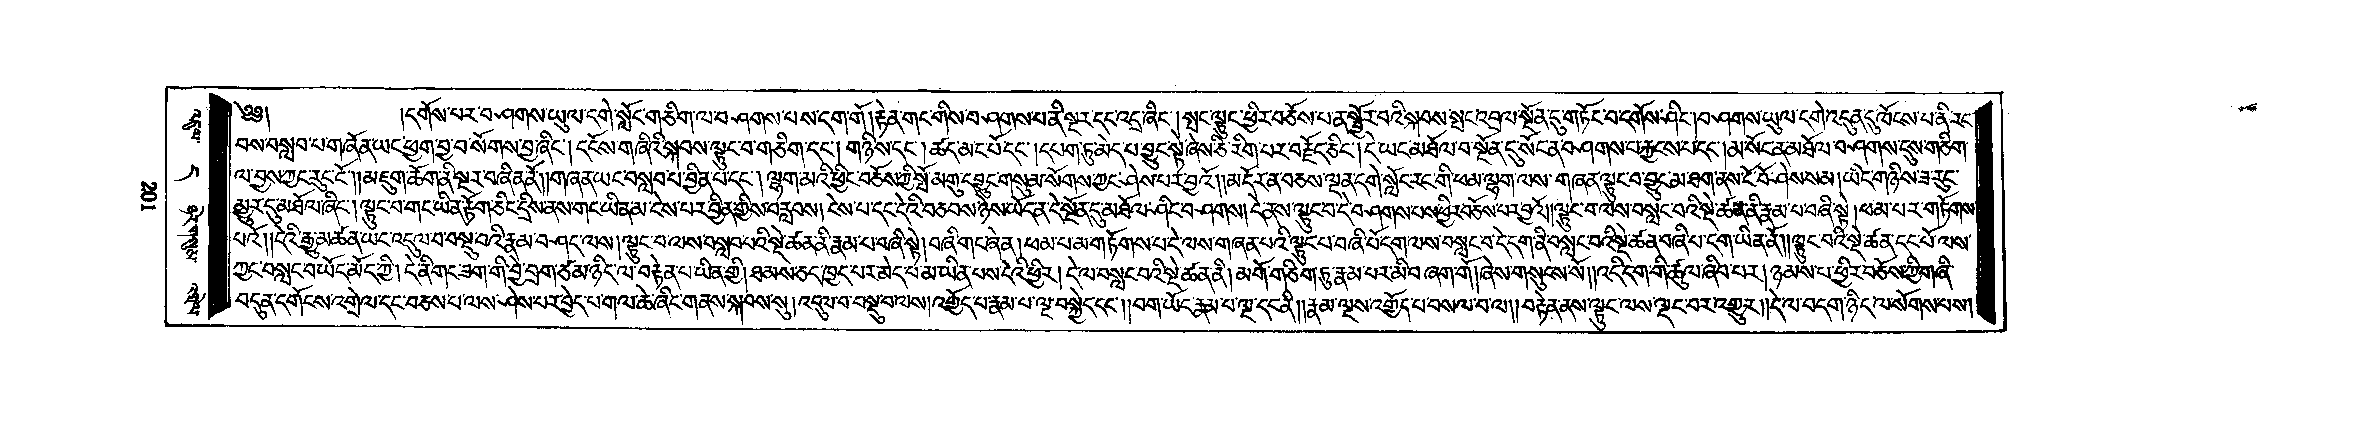༄༅། །དགོས་པར་བཤགས་ཡུལ་དགེ་སློང་གཅིག་ལ་བཤགས་པས་དག་གོ །རྟེན་གང་གིས་བཤགས་པ་ནི་སྔར་དང་འདྲ་ཞིང་། སྤང་ལྟུང་ཕྱིར་བཅོས་པ་ན་སྦྱོར་བའི་སྐབས་སྤང་འབྲལ་སྔོན་དུ་གཏོང་བ་དགོས་ཤིང་། བཤགས་ཡུལ་དགེ་འདུན་དུ་ལོངས་པ་ནི་རང་
བས་བསླབ་པ་གཞོན་ཡང་ཕྱག་བྱ་བ་སོགས་བྱ་ཞིང་། དངོས་གཞིའི་སྐབས་ལྟུང་བ་གཅིག་དང་། གཉིས་དང་། ཚད་མང་པོ་དང་། དཔག་ཏུ་མེད་པ་བྱུང་སྟེ་ཞེས་ཅི་རིག་པར་བརྗོད་ཅིང་། དེ་ཡང་མཐོལ་བ་སྔོན་དུ་སོང་ན་བཤགས་པ་རྐྱངས་པ་དང་། མ་སོང་ན་མཐོལ་བཤགས་དུས་གཅིག་
ལ་བྱས་ཀྱང་རུང་ངོ། །མཇུག་ཆོག་ནི་སྔར་བཞིན་ནོ། །གཞན་ཡང་བསླབ་པ་བྱིན་པ་དང་། ལྷག་མའི་ཕྱིང་བཅོས་ཀྱི་སྤོ་མགུ་དབྱུང་གསུམ་སོགས་ཀྱང་ཤེས་པར་བྱའོ། །མདོར་ན་བཅས་ལྡན་དགེ་སློང་རང་གི་ཕམ་ལྷག་ལས་གཞན་ལྟུང་བ་བྱུང་མ་ཐག་ནས་ངོ་བོ་ཤེས་སམ། ཡིད་གཉིས་ཟ་རུང་
མྱུར་དུ་མཐོལ་ཞིང་། ལྟུང་བ་གང་ཡིན་རྟོག་ཅིང་དྲིས་ནས་གང་ཡིན་མ་ངེས་པར་བྱིན་གྱིས་བརླབས། ངེས་པ་དང་དེའི་བཅབས་ཉེས་ཡོད་ན་དེ་སྔོན་དུ་མཐོལ་ཤིང་བཤགས། དེ་ནས་ལྟུང་བ་དེ་བཤགས་པས་ཕྱིར་བཅོས་པར་བྱའོ། །ལྟུང་བ་ལས་བསླང་བའི་སྡེ་ཚན་ནི་རྣམ་པ་བཞི་སྟེ། ཕམ་པར་གཏོགས་
པའོ། །དེའི་རྒྱུ་མཚན་ཡང་འདུལ་བ་བསྡུ་བའི་རྣམ་བཤད་ལས། ལྟུང་བ་ལས་བསླབ་པའི་སྡེ་ཚན་ནི་རྣམ་པ་བཞི་སྟེ། བཞི་གང་ཞེ་ན། ཕམ་པ་མ་གཏོགས་པ་དེ་ལས་གཞན་པའི་ལྟུང་པ་བཞི་པོ་དག་ལས་བསླང་བ་དེ་དག་ནི་བསླང་བའི་སྡེ་ཚན་བཞི་པ་དག་ཡིན་ནོ། །ལྟུང་བའི་སྡེ་ཚན་དང་པོ་ལས་
ཀྱང་བསླང་བ་ཡོད་མོད་ཀྱི། དེ་ནི་གང་ཟག་གི་བྱེ་བྲག་ཙམ་ཉིད་ལ་བརྟེན་པ་ཡིན་གྱི། ཐམས་ཅད་ཁྱད་པར་མེད་པ་མ་ཡིན་པས་དེའི་ཕྱིར། དེ་ལ་བསླང་བའི་སྡེ་ཚན་ནི། མགོ་གཅིག་ཏུ་རྣམ་པར་མི་བཞག་གོ །ཞེས་གསུངས་སོ། །འདི་དག་གི་ཚུལ་ཞིབ་པར། ཉམས་པ་ཕྱིར་བཅོས་ཀྱི་གཞི་
བདུན་དགོངས་འགྲེལ་དང་བཅས་པ་ལས་ཤེས་པར་བྱེད་པ་གལ་ཆེ་ཞིང་གནས་སྐབས་སུ། འདུལ་བ་བསྡུ་བ་ལས། འགྱོད་པ་རྣམ་པ་ལྔ་བསྐྱེད་དང་། །བག་ཡོད་རྣམ་པ་ལྔ་དང་ནི། །རྣམ་ལྔས་འགྱོད་པ་བསལ་བ་ལ། །བརྟེན་ནས་ལྟུང་ལས་ལྡང་བར་འགྱུར། །དེ་ལ་བདག་ཉིད་ལ་སོགས་པས།